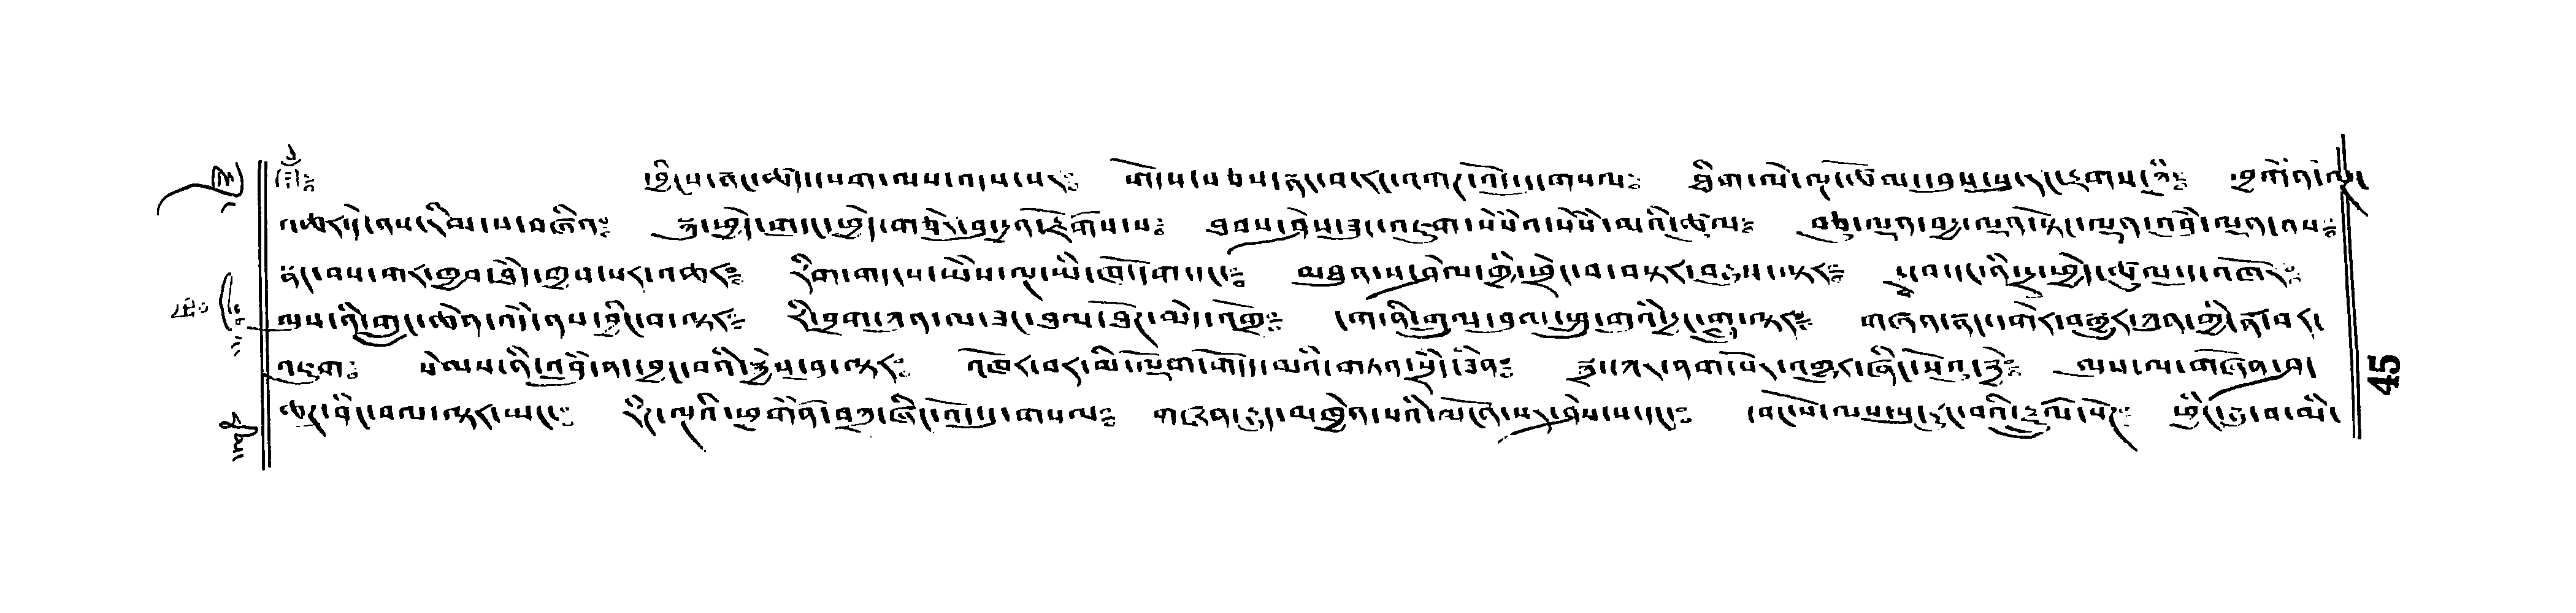དབྱིངས་སྣང་ཚད་དཔག་ལས་འདས་པར༔ གདོས་བཅས་སྣང་བ་རང་འགགགས་འོད་དུ་གསལ༔ ཐིག་ལེ་ལྔ་ཚོམ་དབུས་སུ་རང་རྟགས་ཀྱི༔ ཕྱག་མཚན་ལྔ་
འཆར་དེ་ནས་རིམ་པ་བཞིན༔ སྐུ་ཕྱེད་གདུག་ཕྱེད་གཅེར་བུ་རྒྱན་རྫོགས་པ༔ ཐབས་ཤེས་ཟུང་འཇུག་སེམས་དཔའ་སེམས་མའི་ཚུལ༔ བཅུ་ལྡན་བརྒྱ་ལྡན་སྟོང་ལྡན་འབུམ་ལྡན་ནས༔ 
སྣང་བས་གར་ཁྱབ་ཐམས་ཅད་ཁྱབ་པར་འཆར༔ རིག་གདངས་ཡེ་ཤེས་ལྔ་ཡི་ཁ་དོག་དང༔ མཐུན་པ་ཤེལ་གྱི་ཕྲེང་བ་བསྟར་བརྒྱུས་ལྟར༔ དྲྭ་བ་དང་ནི་དྲྭ་ཕྱེད་ཚུལ་དུ་འཁོར༔
ལུས་ནི་གླང་ཆེན་འདམ་ནས་བྱིང་བ་ལྟར༔ རི་བྲག་ཀུན་ལ་ཟང་ཐལ་ཐོགས་མེད་འགྲོ༔ ངག་ནི་གྲུལ་བུམ་ཕྲུ་གུའི་རྒྱང་གླུ་ལྟར༔ གཞན་སྣང་དགེར་བསྒྱུར་ཀུན་གྱི་རྣ་བར་
འཇུག༔ སེམས་ནི་འབྲུམ་ནད་བྱང་བའི་སྐྱེས་བུ་ལྟར༔ འཁོར་བར་མི་ལྡོག་གདོད་མའི་གཏན་སྲིད་ཟིན༔ སྐྲ་དཀར་ནག་པོར་འགྱུར་ཞིང་སེའུ་སྐྱེ༔ ལུས་ལ་གཞོན་ཤ་
ཆགས་ཤིང་བལ་ལྟར་ཡང༔ རིགས་ལྔའི་ཕྱག་མཚན་བཀྲ་ཞིང་འོད་དུ་གསལ༔ གཞན་རྒྱུད་མཁྱེན་པའི་མངོན་པར་ཤེས་པ་དང༔ དབང་པོ་ལས་སུ་རུང་བའི་རྗུ་འཕྲུལ་སོགས༔ ཕྱི་ནང་རྒྱུ་བ་མི་